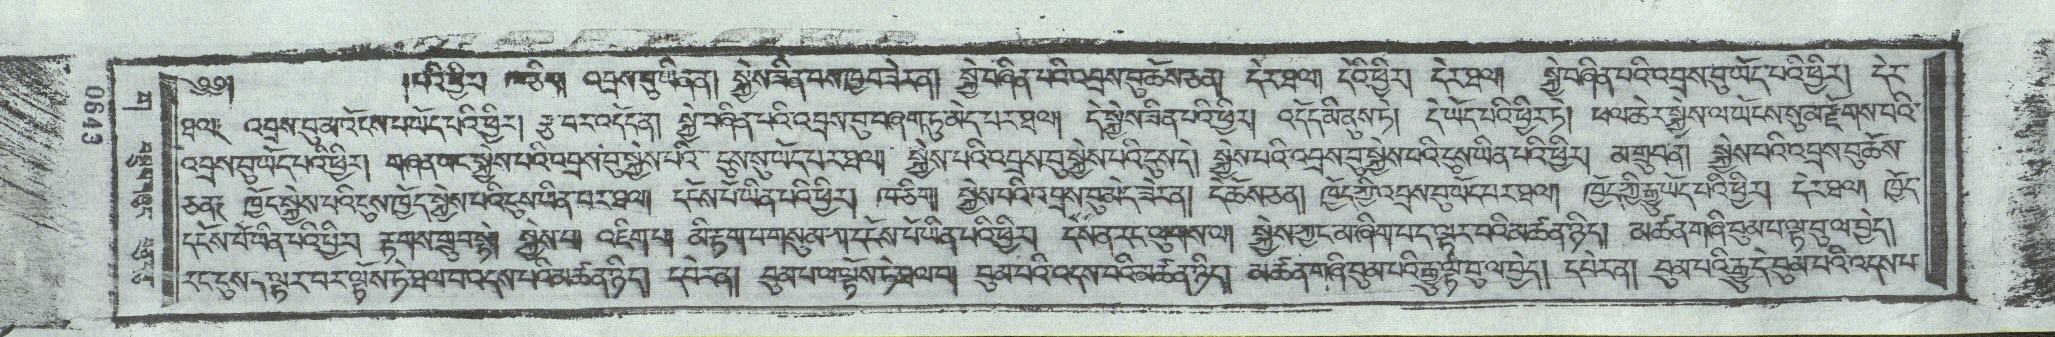༄༅། །པའི་ཕྱིར། ཁ་ཅིག། འབྲས་བུ་ཡིན་ན། སྐྱེས་ཟིན་པས་ཁྱབ་ཟེར་ན། སྐྱེ་བཞིན་པའི་འབྲས་བུ་ཆོས་ཅན། དེར་ཐལ། དེའི་ཕྱིར། དེར་ཐལ། སྐྱེ་བཞིན་པའི་འབྲས་བུ་ཡོད་པའི་ཕྱིར། དེར་
ཐལ༑ འབྲས་བུ་མ་འོངས་པ་ཡོད་པའི་ཕྱིར། རྩ་བར་འདོད་ན། སྐྱེ་བཞིན་པའི་འབྲས་བུ་བཞག་ཏུ་མེད་པར་ཐལ། དེ་སྐྱེས་ཟིན་པའི་ཕྱིར། འདོད་མི་ནུས་ཏེ། དེ་ཡོད་པའི་ཕྱིར་ཏེ། ཕལ་ཆེར་སྐྱེས་ལ་ཡོངས་སུ་མ་རྫོགས་པའི་
འབྲས་བུ་ཡོད་པའི་ཕྱིར། གཞན་ཡང་སྐྱེས་པའི་འབྲས་བུ་སྐྱེས་པའི་དུས་སུ་ཡོད་པར་ཐལ། སྐྱེས་པའི་འབྲས་བུ་སྐྱེས་པའི་དུས་དེ། སྐྱེས་པའི་འབྲས་བུ་སྐྱེས་པའི་དུས་ཡིན་པའི་ཕྱིར། མ་གྲུབ་ན། སྐྱེས་པའི་འབྲས་བུ་ཆོས་
ཅན༑ ཁྱོད་སྐྱེས་པའི་དུས་ཁྱོད་སྐྱེས་པའི་དུས་ཡིན་པར་ཐལ། དངོས་པོ་ཡིན་པའི་ཕྱིར། ཁ་ཅིག། སྐྱེས་པའི་འབྲས་བུ་མེད་ཟེར་ན། དེ་ཆོས་ཅན། ཁྱོད་ཀྱི་འབྲས་བུ་ཡོད་པར་ཐལ། ཁྱོད་ཀྱི་རྒྱུ་ཡོད་པའི་ཕྱིར། དེར་ཐལ། ཁྱོད་
དངོས་པོ་ཡིན་པའི་ཕྱིར། རྟགས་གྲུབ་སྟེ། སྐྱེས་པ། འཇིག་པ། མི་རྟག་པ་གསུམ་ཀ་དངོས་པོ་ཡིན་པའི་ཕྱིར། དེས་ན་རང་ལུགས་ལ། སྐྱེས་ཀྱང་མ་ཞིག་པ་ད་ལྟར་བའི་མཚན་ཉིད། མཚན་གཞི་བུམ་པ་ལྟ་བུ་ལ་བྱེད།
རང་དུས་ད་ལྟར་བར་ལྟོས་ཏེ་ཐལ་བ་འདས་པའི་མཚན་ཉིད། དཔེར་ན། བུམ་པ་ལ་ལྟོས་ཏེ་ཐལ་བ། བུམ་པའི་འདས་པའི་མཚན་ཉིད། མཚན་གཞི་བུམ་པའི་རྒྱུ་ལྟ་བུ་ལ་བྱེད། དཔེར་ན། བུམ་པའི་རྒྱུ་དེ་བུམ་པའི་འདས་པ་